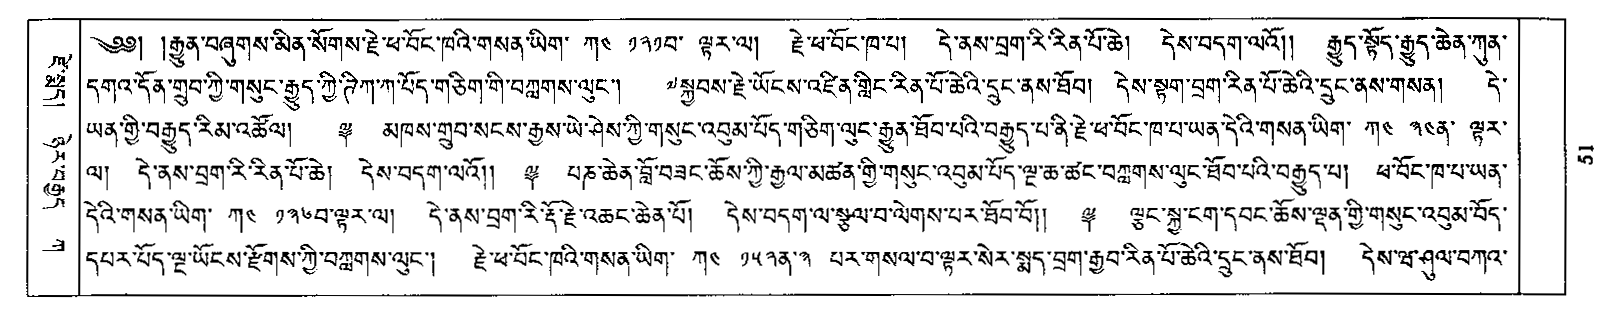༄༅། །རྒྱུན་བཞུགས་མིན་སོགས་རྗེ་ཕ་བོང་ཁའི་གསན་ཡིག་ཀ ༤ ༡༢༡་བ་ལྟར་ལ། རྗེ་ཕ་བོང་ཁ་པ། དེ་ནས་བྲག་རི་རིན་པོ་ཆེ། དེས་བདག་ལའོ། རྒྱུད་སྟོད་རྒྱུད་ཆེན་ཀུན་
དགའ་དོན་གྲུབ་ཀྱི་གསུང་རྒྱུད་ཀྱི་ཊིཀ་ཀ་པོད་གཅིག་གི་བཀླགས་ལུང་། ༧སྐྱབས་རྗེ་ཡོངས་འཛིན་གླིང་རིན་པོ་ཆེའི་དྲུང་ནས་ཐོབ། དེས་སྟག་བྲག་རིན་པོ་ཆེའི་དྲུང་ནས་གསན། དེ་
ཡན་གྱི་བརྒྱུད་རིམ་འཚོལ། ༈ མཁས་གྲུབ་སངས་རྒྱས་ཡེ་ཤེས་ཀྱི་གསུང་འབུམ་པོད་གཅིག་ལུང་རྒྱུན་ཐོབ་པའི་བརྒྱུད་པ་ནི་རྗེ་ཕ་བོང་ཁ་པ་ཡན་དེའི་གསན་ཡིག་ཀ ༤ ༣༤་ན་ལྟར་
ལ། དེ་ནས་བྲག་རི་རིན་པོ་ཆེ། དེས་བདག་ལའོ།། ༈ པཎ་ཆེན་བློ་བཟང་ཆོས་ཀྱི་རྒྱལ་མཚན་གྱི་གསུང་འབུམ་པོད་ལྔ་ཆ་ཚང་བཀླགས་ལུང་ཐོབ་པའི་བརྒྱུད་པ། ཕ་བོང་ཁ་པ་ཡན་
དེའི་གསན་ཡིག་ཀ ༤ ༡༣༦་བ་ལྟར་ལ། དེ་ནས་བྲག་རི་རྡོ་རྗེ་འཆང་ཆེན་པོ། དེས་བདག་ལ་སྩལ་བ་ལེགས་པར་ཐོབ་བོ།། ༈ ལྕང་སྐྱ་ངག་དབང་ཆོས་ལྡན་གྱི་གསུང་འབུམ་བོད་
དཔར་པོད་ལྔ་ཡོངས་རྫོགས་ཀྱི་བཀླགས་ལུང་། རྗེ་ཕ་བོང་ཁའི་གསན་ཡིག་ཀ ༤ ༡༥༢་ན ༣་པར་གསལ་བ་ལྟར་སེར་སྨད་བྲག་རྒྱབ་རིན་པོ་ཆེའི་དྲུང་ནས་ཐོབ། དེས་ཝ་ཤུལ་བཀའ་